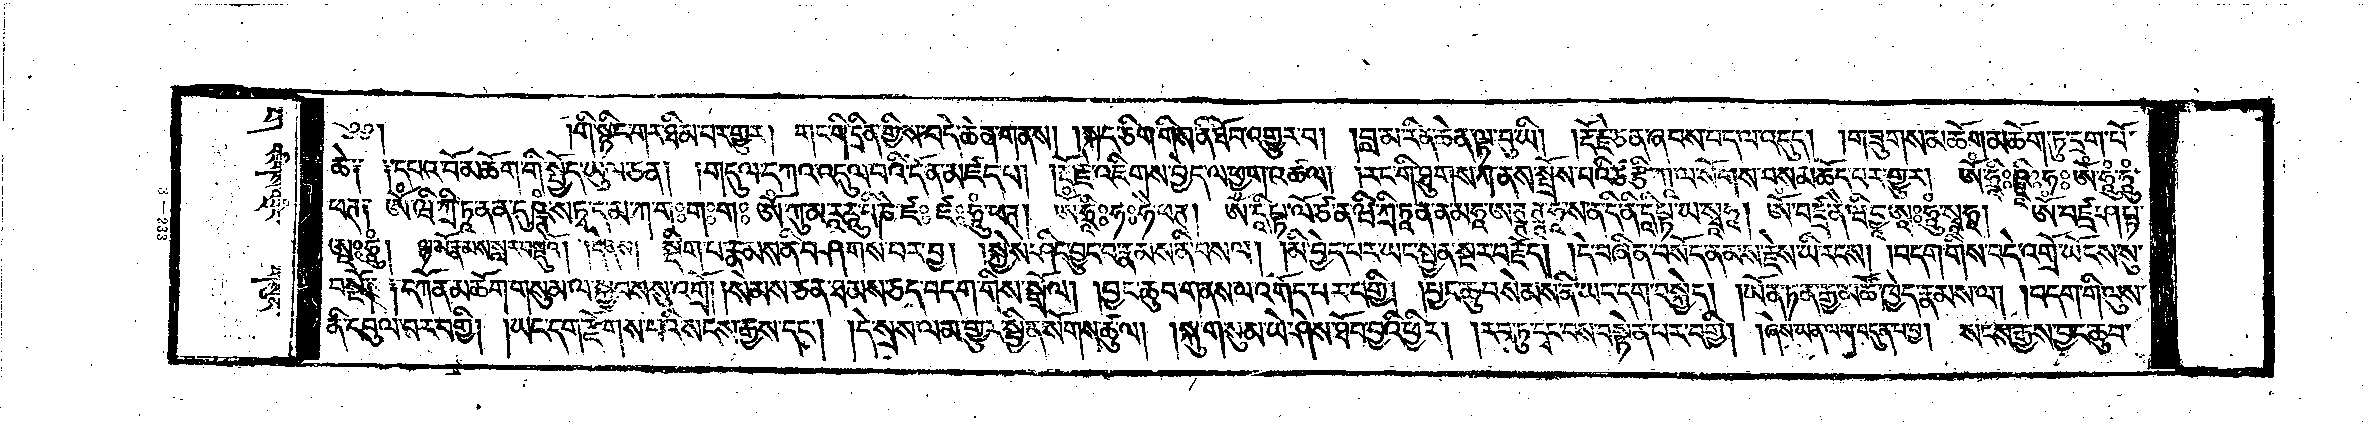༄༅། །གི་སྙིང་གར་ཐིམ་པར་གྱུར། གང་གི་དྲིན་གྱིས་བདེ་ཆེན་གནས། །སྐད་ཅིག་གིས་ནི་ཐོབ་འགྱུར་བ། །བླ་མ་རིན་ཆེན་ལྟ་བུ་ཡི། །རྡོ་རྗེ་ཅན་ཞབས་པད་ལ་འདུད། །གཟུགས་མཆོག་མཆོག་ཏུ་དྲག་པོ་
ཆེ༑ ༑དཔའ་བོ་མཆོག་གི་སྤྱོད་ཡུལ་ཅན། །གདུལ་དཀའ་འདུལ་བའི་དོན་མཛད་པ། །རྡོ་རྗེ་འཇིགས་བྱེད་ལ་ཕྱག་འཚལ། །རང་གི་ཐུགས་ཀ་ནས་སྤྲོས་པའི་རྩ་རྩི་ཀ་ལ་སོགས་པས་མཆོད་པར་གྱུར། ཨོཾ་ཧྲཱིཿཥྚྲཱིཿཧཿཨོཾ་ཧཱུཾ་ཧཱུཾ་
ཕཌ༑ ཨོཾ་ཝི་ཀྲི་ཏཱ་ན་ན་དུ་ཥྚཾ་སཏྭ་ད་མ་ཀ་གཿགཿགཿ ཨོཾ་ཀུ་མ་རཱ་རཱུ་པི་ཎེ་ཛཿཛཿཧཱུཾ་ཕཌ། ཨོཾ་ཧྲཱིཿ ཧཿ ཧཻ་ཕཌ། ཨོཾ་དཱི་པྟ་ལོ་ཙ་ན་ཝི་ཀྲི་ཏཱ་ན་ན་མཧཱ་ཨཏྟཏྟ་ཧཱ་ས་ན་དི་ནི་དཱིཔྟི་ཡ་སྭཱཧཱ། ཨོཾ་བཛྲ་ནཻ་ཝིདྱཱ་ཨཱཿ ཧཱུཾ་སྭཱཧཱ། ཨོཾ་བཛྲ་ཤཔྟ་
ཨཱཿ ཧཱུཾ། ལྷ་མོ་རྣམས་སླར་བསྡུའོ། །དེ་ནས།  སྡིག་པ་རྣམས་ནི་བཤགས་པར་བྱ། །སྐྱེས་ཤིང་བྱུང་བ་རྣམས་ནི་བསལ། །མི་བྱེད་པར་ཡང་སྤྱན་སྔར་བརྗོད། །དེ་བཞིན་བསོད་ནམས་རྗེས་ཡི་རངས། །བདག་གིས་བདེ་འགྲོ་ཡོངས་སུ་
བསྔོ༑ ༑དཀོན་མཆོག་གསུམ་ལ་སྐྱབས་སུ་འགྲོ། །སེམས་ཅན་ཐམས་ཅད་བདག་གིས་སྒྲོལ། །བྱང་ཆུབ་གནས་ལ་འགོད་པར་བགྱི། །བྱང་ཆུབ་སེམས་ནི་ཡང་དག་བསྐྱེད། །ཡོན་ཏན་རྒྱ་མཚོ་ཁྱེད་རྣམས་ལ། །བདག་གི་ལུས་
ནི་དབུལ་བར་བགྱི། །ཡང་དག་རྫོགས་པའི་སངས་རྒྱས་དང་། །དེ་སྲས་ལམ་གྱུར་སྦྱིན་སོགས་ཚུལ། །སྐུ་གསུམ་ཡེ་ཤེས་ཐོབ་བྱའི་ཕྱིར། །རབ་ཏུ་དྭང་པས་བསྟེན་པར་བགྱི། །ཞེས་ཡན་ལག་བདུན་པ་བྱ།  སངས་རྒྱས་བྱང་ཆུབ་